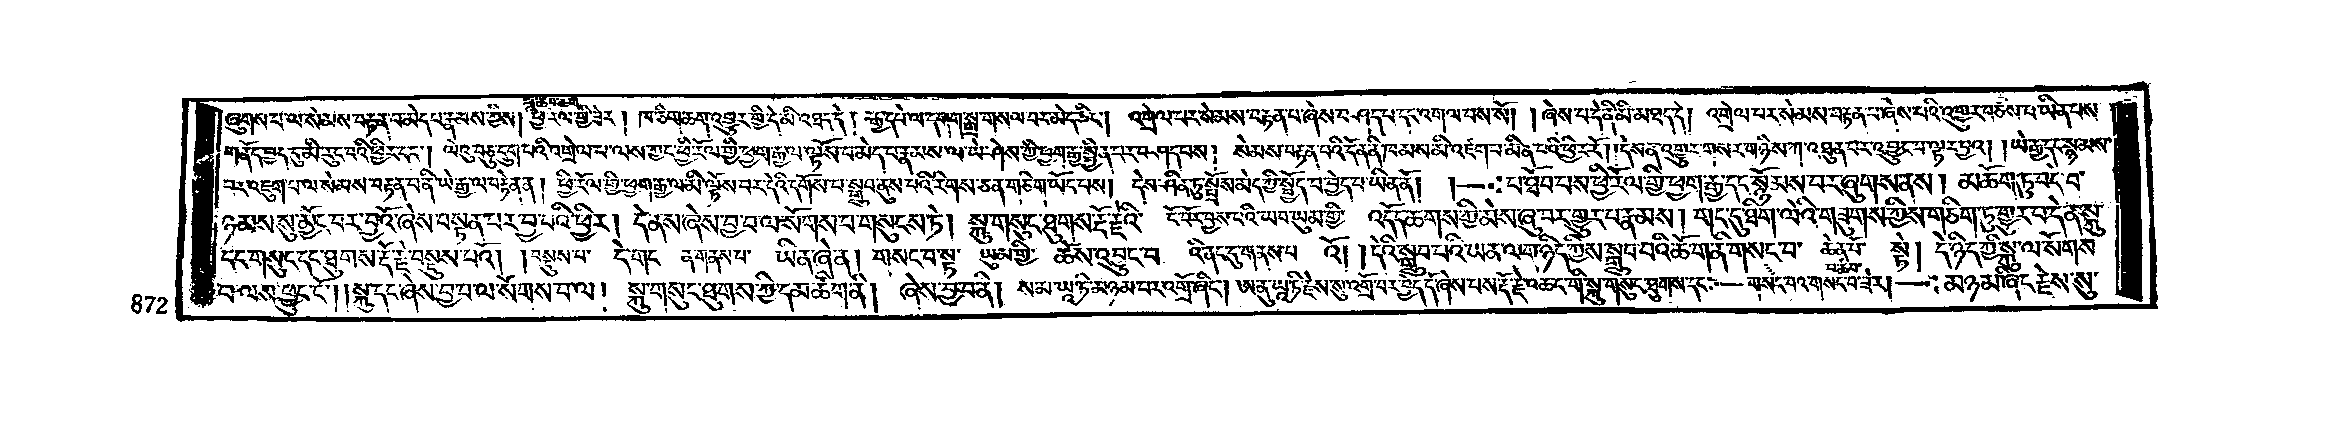ཞུགས་པ་ལ་སེམས་བརྟན་པ་མེད་པ་རྣམས་ཀྱིས། པ་ཚབ་ཆག་ཕྱི་རོལ་གྱི་ཟེར། ཁ་ཅིག་ཆག་འགྱུར་གྱི་དེ་མི་འཐད་དེ། རྒྱ་དཔེ་ལ་དགག་སྒྲ་གསལ་བར་མེད་ཅིང་། འགྲེལ་པར་སེམས་བརྟན་པ་ཞེས་བཤད་པ་དང་འགལ་བས་སོ། །ཞེས་པ་དེ་ནི་མི་འཐད་དེ། འགྲེལ་པར་སེམས་བརྟན་པ་ཞེས་པའི་འགྱུར་བཙས་པ་ཡིན་པས་
གནོད་བྱད་དུ་མི་རུང་བའི་ཕྱིར་དང་། ལེའུ་བཅུ་དྲུག་པའི་འགྲེལ་པ་ལས་ཀྱང་ཕྱི་རོལ་གྱི་ཕྱག་རྒྱ་ལ་ལྟོས་པ་མེད་པ་རྣམས་ལ་ཡེ་ཤེས་ཀྱི་ཕྱག་རྒྱ་སྦྱིན་པར་བཤད་པས། སེམས་བརྟན་པའི་དོན་ནི་ཁམས་མི་འཛག་པ་མིན་པའི་ཕྱིར་རོ། །དེས་ན་འགྱུར་གསར་གཉིས་ཀ་འཐུན་པར་འབྱུང་བ་ལྟར་བྱའོ། །ཡེ་རྒྱ་དང་སྙམས་
པར་འཇུག་པ་ལ་སེམས་བརྟན་པ་ནི་ཡེ་རྒྱ་ལ་བརྟེན་ན། ཕྱི་རོལ་གྱི་ཕྱག་རྒྱ་ལ་མི་ལྟོས་པར་དེའི་དགོས་པ་སྒྲུབ་ནུས་པའི་རིགས་ཅན་གཅིག་ཡོད་པས། དེས་ཤིན་ཏུ་སྤྲོས་མེད་ཀྱི་སྤྱོད་པ་བྱེད་པ་ཡིན་ནོ། ། .Hཔ་ཐོབ་པས་ཕྱི་རོལ་གྱི་ཕྱག་རྒྱ་དང་སྙོམས་པར་ཞུགས་ནས། མཆོག་ཏུ་བདེ་བ་
ཉམས་སུ་མྱོང་བར་བྱའོ་ཞེས་བསྟན་པར་བྱ་བའི་ཕྱིར། དེ་ནས་ཞེས་བྱ་བ་ལ་སོགས་པ་གསུངས་ཏེ། སྐུ་གསུང་ཐུགས་རྡོ་རྗེའི་ངོ་བོར་བྱས་པའི་ཡབ་ཡུམ་གྱི་འདོད་ཆགས་ཀྱི་མེས་ཞུ་བར་གྱུར་པ་རྣམས། གང་དུ་ཐིག་ལེའི་གཟུགས་ཀྱིས་གཅིག་ཏུ་གྱུར་པ་དེ་ན་སྐུ་
དང་གསུང་དང་ཐུགས་རྡོ་རྗེ་བསྡུས་པའོ། ། བསྡུས་པ་དེ་གང་ན་གནས་པ་ཡིན་ཞེ་ན། གསང་བ་སྟེ་ཡུམ་གྱི་ཆོས་འབྱུང་བའི་ནང་དུ་གནས་པའོ། །དེའི་སྒྲུབ་པའི་ཡན་ལག་ཉིད་ཀྱིས་སྒྲུབ་པའི་ཆོ་ག་ནི་གསང་བ་ཆེན་པོ་སྟེ། དེ་ཉིད་ཀྱི་སྐུ་ལ་སོགས་
པ་ལས་ཕྱུང་ངོ། །སྐུ་དང་ཞེས་བྱ་བ་ལ་སོགས་པ་ལ། སྐུ་གསུང་ཐུགས་ཀྱི་དམ་ཚིག་ནི། ཞེས་བྱ་བ་ནི། ས་མ་ཡཱ་ཏི་མཉམ་པར་འགྲོ་ཞིང་། ཨ་ནུ་ཨཱ་ཏི་རྗེས་སུ་འགྲོ་བར་བྱེད་དོ་ཞེས་པས་རྡོ་རྗེ་འཆང་གི་སྐུ་གསུང་ཐུགས་དངཿ་གསང་བའི་གསང་བ་པ་ཚབ་ཟེར། .Hམཉམ་ཞིང་རྗེས་སུ་